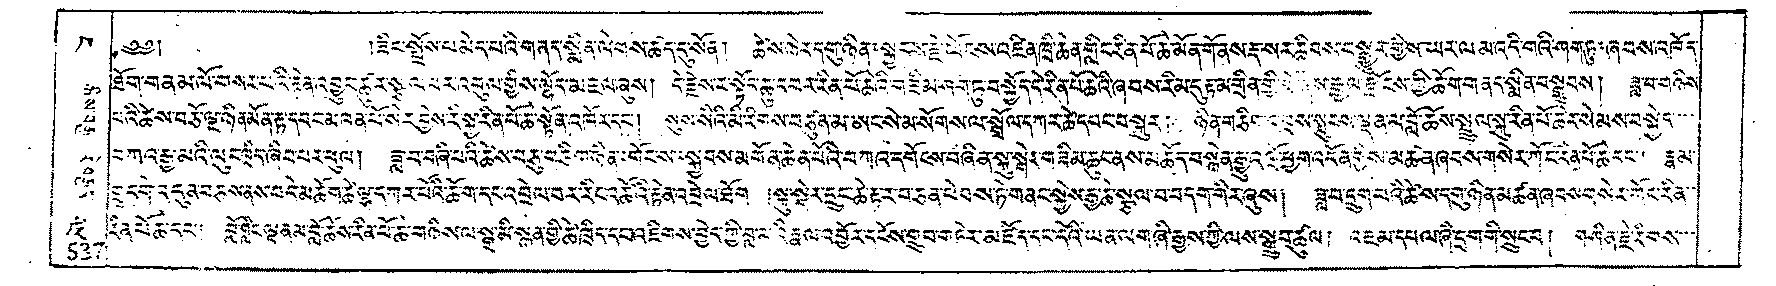༄༅། །ཟིང་སྤྲོས་པ་མེད་པའི་གནད་སྨིན་ལེགས་ཚད་དུ་སོན། ཚེས་ཉེར་དགུ་ཉིན་༧སྐྱབས་རྗེ་ཡོངས་འཛིན་ཁྲི་ཆེན་གླིང་རིན་པོ་ཆེ་མོན་གོ་ནས་རྡ་སར་ཚིབས་བསྒྱུར་གྱིས་ཡར་ལམ་འདི་གའི་ཤག་ཏུ་༧ཞབས་འཁོད་
ཐོག་གནམ་ལོ་གསར་པའི་རྟེན་འབྱུང་ཚུར་སྩལ་པར་འབུལ་གྱིས་ལྷོད་མཇལ་ཞུས། དེ་རྗེས་ར་སྟོད་ཆུ་དབར་རིན་པོ་ཆེའི་གཟིམ་ཤག་ཏུ་བསྐྱོད་དེ་རིན་པོ་ཆེའི་ཞབས་རིམ་དུ་རྟ་མགྲིན་གྱི་སྒོ་ནས་རྒྱལ་རྫོངས་ཀྱི་ཆོ་ག་གནད་སྨིན་བསྒྲུབས། ཟླ་བ་གཉིས་
པའི་ཚེས་བཅོ་ལྔ་ཉིན་མོན་རྟ་དབང་མཁན་པོ་སེར་བྱེས་རི་སྐྱ་རིན་པོ་ཆེ་སྟོན་འཁོར་དང་། སུས་སིའི་མི་རིགས་བཙུན་མ་ཨང་སེ་མ་སོགས་ལ་སྒྲོལ་དཀར་ཚེ་དབང་བསྐུར། ཉིན་གཅིག་འབྲས་སྤུངས་ལྡན་མ་བློ་ཆོས་སྤྲུལ་སྐུ་རིན་པོ་ཆེར་སེམས་བསྐྱེད་
བཀའ་རྒྱ་མའི་ལུང་ཁྲིད་ཞིབ་པར་ཕུལ། ཟླ་བ་བཞི་པའི་ཚེས་བཅུ་གཅིག་ཉིན་༧གོང་ས་༧སྐྱབས་མགོན་ཆེན་པོའི་བཀའ་དགོངས་བཞིན་སྐུ་སྒེར་གཟིམ་ཆུང་ནས་མཆོད་བསྙེན་རྒྱུ་འགྲོ་ཕྱག་འདོན་གྱིས་མཚན་ཞབས་གསེར་ཀོང་རིན་པོ་ཆེ་དང་། རྣམ་
གྲྭ་དགེ་འདུན་བཅས་ནས་བདེ་མཆོག་ཚེ་ལྷ་དཀར་པོའི་ཆོ་ག་དང་འབྲེལ་བར་རིང་འཚོའི་རྟེན་འབྲེལ་ཐོག །སྐུ་སྒེར་དྲུང་ཆེ་རྟ་ར་བ་ཅན་ཕེབས་ཏེ་གནང་སྐྱེས་རྒྱ་ཆེ་སྩལ་བ་བདག་གིར་ཞུས། ཟླ་བ་དྲུག་པའི་ཚེས་དགུ་ཉིན་མཚན་ཞབས་གསེར་ཀོང་རིན་
རིན་པོ་ཆེ་དང་། བློ་གླིང་ལྡན་མ་བློ་ཆོས་རིན་པོ་ཆེ་གཉིས་ལ་སྒྲ་མི་སྙན་གྱི་ཚེ་ཁྲིད་དང་འཇིགས་བྱེད་ཀྱི་བླ་མའི་རྣལ་འབྱོར་དངོས་གྲུབ་གཏེར་མཛོད་དང་དེའི་ཡན་ལག་ཞི་རྒྱས་ཀྱི་ལས་སྒྲུབ་ཚུལ། འཇམ་དཔལ་ཞི་དྲག་གི་སྲུང་བ། གཤིན་རྗེ་རིགས་